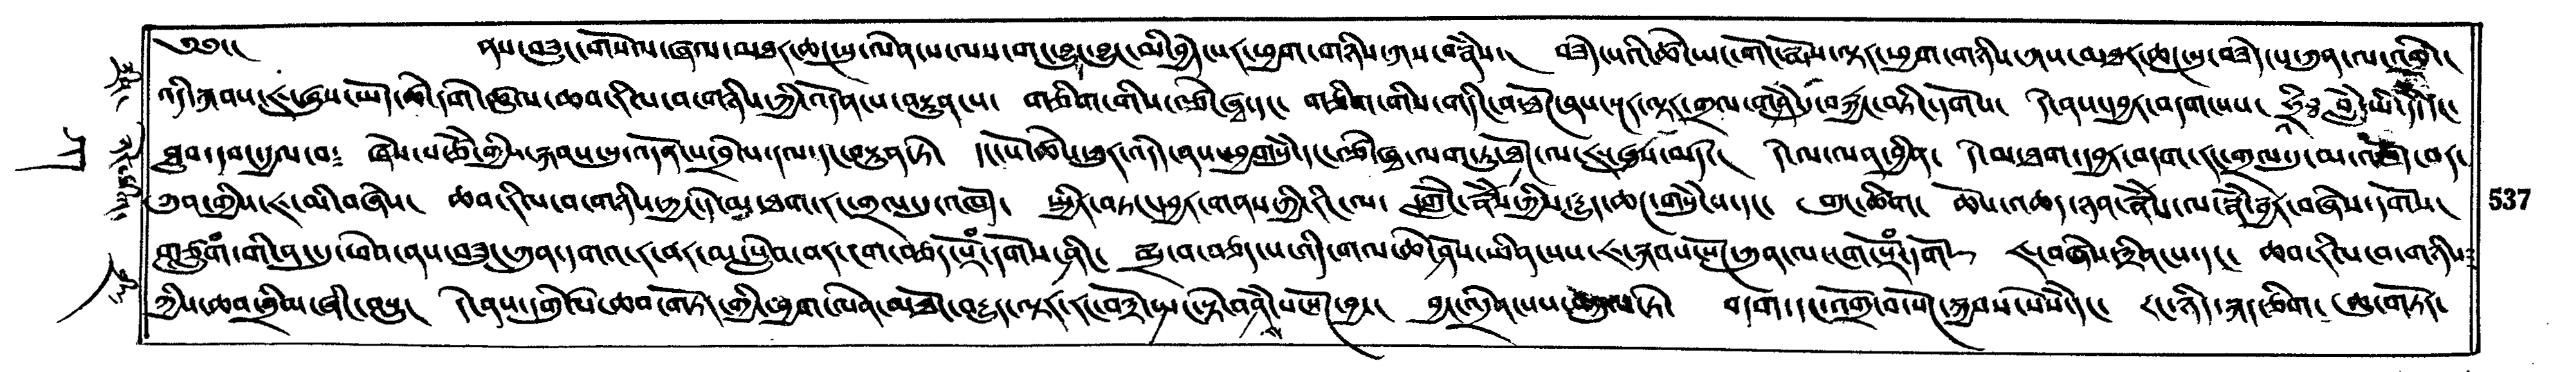ནས་བཟུང་གསོལ་ཞལ་མཐར་ཆགས་སུ་ལེན་པ་ལས་གང་བྱུང་བྱུང་མི་བྱེད་པར་ཕྱག་གཉིས་ཀས་བསྣམས། བཟེད་པའི་ཚེ་ཡང་གོང་སྨོས་ལྟར་ཕྱག་གཉིས་ཀས་མཐར་ཆགས་སུ་བཟེད་པ་ཀུན་ལ་འགྲེ། 
འདི་སྐབས་ཇ་ཞུས་ཡོད་ཚེ་དགེ་ཚུལ་ཆབ་རིལ་བ་གཉིས་ཀྱིས་འདོན་པ་དང་བསྟུན་པས། གཅིག་གིས་རྩེ་ཞྭ་དང་། གཅིག་གིས་གདིང་བ་ཐོགས་ནས་སྔར་ལྟར་གྲལ་གཤམ་དུ་བརྐྱང་བཏིང་དགོས། དེ་ནས་དབྱར་བདག་པས། ཧྲཱིཿབླ་མ་ཡི་དམ༴ དང་། 
ཐུབ་དབང་རྒྱལ་བ༴ ཞེས་པ་ཙམ་གྱིས་སྐབས་སུ་འདོན་པ་བྲེལ་དལ་དང་བསྟུན་ཏེ། དང་པོའི་ཚེ་ཐུར་འདེད་ནས་ཕྱག་གསུམ་དང་རྩེ་ཞྭ་ལག་ཏུ་ཐོགས་ལ་ཇ་ཞུས་མཛད། དེ་ལ་ལན་བྱིན། དེ་མ་ཐག་དབྱར་བདག་རང་གྲལ་དུ་མ་འཁོད་བར་
ཀུན་ཀྱིས་ཇ་མི་བཞེས། ཆབ་རིལ་བ་གཉིས་ཀྱང་དེ་མ་ཐག་རང་གྲལ་དུ་འཁོད།སྤྱིར་བཏང་དབྱར་གནས་ཀྱི་རིང་ལ། དགེ་སློང་རྣམས་ཀྱིས་རྒྱུན་ཆགས་གསུམ་པ་དང་། གུང་ཚིགས། ཆོས་འཆད་ཉན་རྣམས་ལ་སྣམ་སྦྱར་བཞེས་དགོས། 
གཙུག་ལག་ཁང་གི་ནང་དུ་ཕེབས་ནས་བཟུང་ཀུན་དགའ་ར་བར་མ་སླེབ་བར་ངག་བཅད་སྡོམ་དགོས་ཤིང་། སྨྲ་བ་བཅད་པ་འདི་གལ་ཆེ་ཤོས་ཡིན་པས་ཇ་སྐབས་སོགས་ཀུན་ལ་ངག་སྡོམ་དགོས། ཇ་བཞེས་ཟིན་པ་དང་། ཆབ་རིལ་བ་གཉིས་
ཀྱིས་ཆབ་བྲིམ་ཞིང་བསྡུ། དེ་ནས་དགེ་ཚུལ་ཆབ་གཏོར་གྱི་ཕྱག་ལེན་མཐོང་བརྒྱུད་ལྟར་རང་བཟོས་སྤངས་སྟེ་བཤམས་པ་སོགས་བྱ། བྱང་འདྲེན་པས་བསྐུལ་ཏེ། བདག་དང་འགྲོ་བ་སོགས་སྐྱབས་སེམས་དང་། རང་ཉིད་སྐད་ཅིག ཆུ་གཏོར་